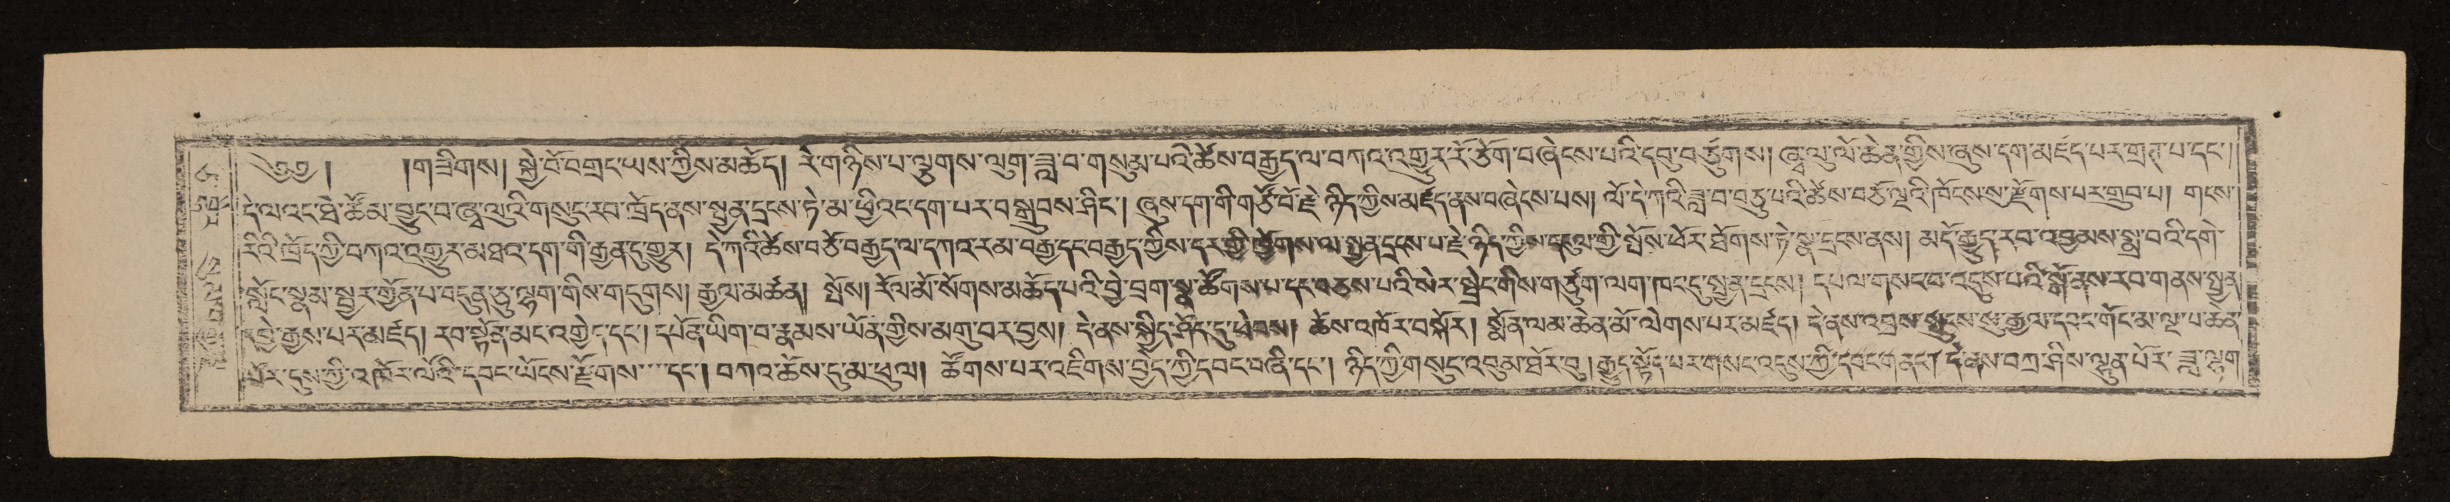༄༅། །གཟིགས། སྐྱེ་བོ་བགྲང་ཡས་ཀྱིས་མཆོད། རེ་གཉིས་པ་ལྕགས་ལུག་ཟླ་བ་གསུམ་པའི་ཚེས་བརྒྱད་ལ་བཀའ་འགྱུར་རོ་ཅོག་བཞེངས་པའི་དབུ་བཙུགས། ཞྭ་ལུ་ལོ་ཆེན་གྱིས་ཞུས་དག་མཛད་པར་གྲགས་པ་དང་།
དེ་ལའང་ཐེ་ཚོམ་བྱུང་བ་ཞྭ་ལུའི་གསུང་རབ་ཁྲོད་ནས་སྤྱན་དྲངས་ཏེ་མ་ཕྱིའང་དག་པར་བསྒྲུབས་ཤིང་། ཞུས་དག་གི་གཙོ་བོ་རྗེ་ཉིད་ཀྱིས་མཛད་ནས་བཞེངས་པས། ལོ་དེ་ཀའི་ཟླ་བ་བཅུ་པའི་ཚེས་བཅོ་ལྔའི་ཁོངས་སུ་རྫོགས་པར་ཐུབ་པ།
གངས་རིའི་ཁྲོད་ཀྱི་བཀའ་འགྱུར་མཐའ་དག་གི་རྒྱན་དུ་གྱུར། དེ་ཀའི་ཚེས་བཅོ་བརྒྱད་ལ་དཀའ་རམ་བརྒྱ་དང་བརྒྱད་ཀྱིས་དར་གྱི་ཁྱོགས་ལ་སྤྱན་དྲངས་པ་རྗེ་ཉིད་ཀྱིས་དངུལ་གྱི་སྤོས་ཕོར་ཐོགས་ཏེ་སྣ་དྲངས་ནས། མདོ་རྒྱུད་རབ་འབྱམས་སྨྲ་
བའི་དགེ་སློང་སྣམ་སྦྱར་གྱོན་པ་བདུན་ཅུ་ལྷག་གིས་གདུགས། རྒྱལ་མཚན། སྤོས། རོལ་མོ་སོགས་མཆོད་པའི་བྱེ་བྲག་སྣ་ཚོགས་པ་དང་བཅས་པའི་སེར་སྦྲེང་གིས་གཙུག་ལག་ཁང་དུ་སྤྱན་དྲངས། དཔལ་གསང་བ་འདུས་པའི་སྒོ་ནས་རབ་གནས་
སྤྱན་དབྱེ་རྒྱས་པར་མཛད། རབ་སྟོན་མང་འགྱེད་དང་། དཔོན་ཡིག་པ་རྣམས་ཡོན་གྱིས་མགུ་བར་བྱས། དེ་ནས་སྐྱིད་ཤོད་དུ་ཕེབས། ཆོས་འཁོར་བསྐོར། སྨོན་ལམ་ཆེན་མོ་ལེགས་པར་མཛད། དེ་ནས་འབྲས་སྤུངས་སུ་རྒྱལ་དབང་གོང་མ་ལྔ་བ་ཆེན་པོར་དུས་ཀྱི་འཁོར་ལོའི་དབང་ཡོངས་རྫོགས་དང་། བཀའ་ཆོས་དུ་མ་ཕུལ། ཚོགས་པར་འཇིགས་བྱེད་ཀྱི་དབང་བཞི་དང་། ཉིད་ཀྱི་གསུང་འབུམ་ཐོར་བུ། རྒྱུད་སྟོད་པར་གསང་འདུས་ཀྱི་དབང་གནང་། དེ་ནས་བཀྲ་ཤིས་ལྷུན་པོར་ཟླ་